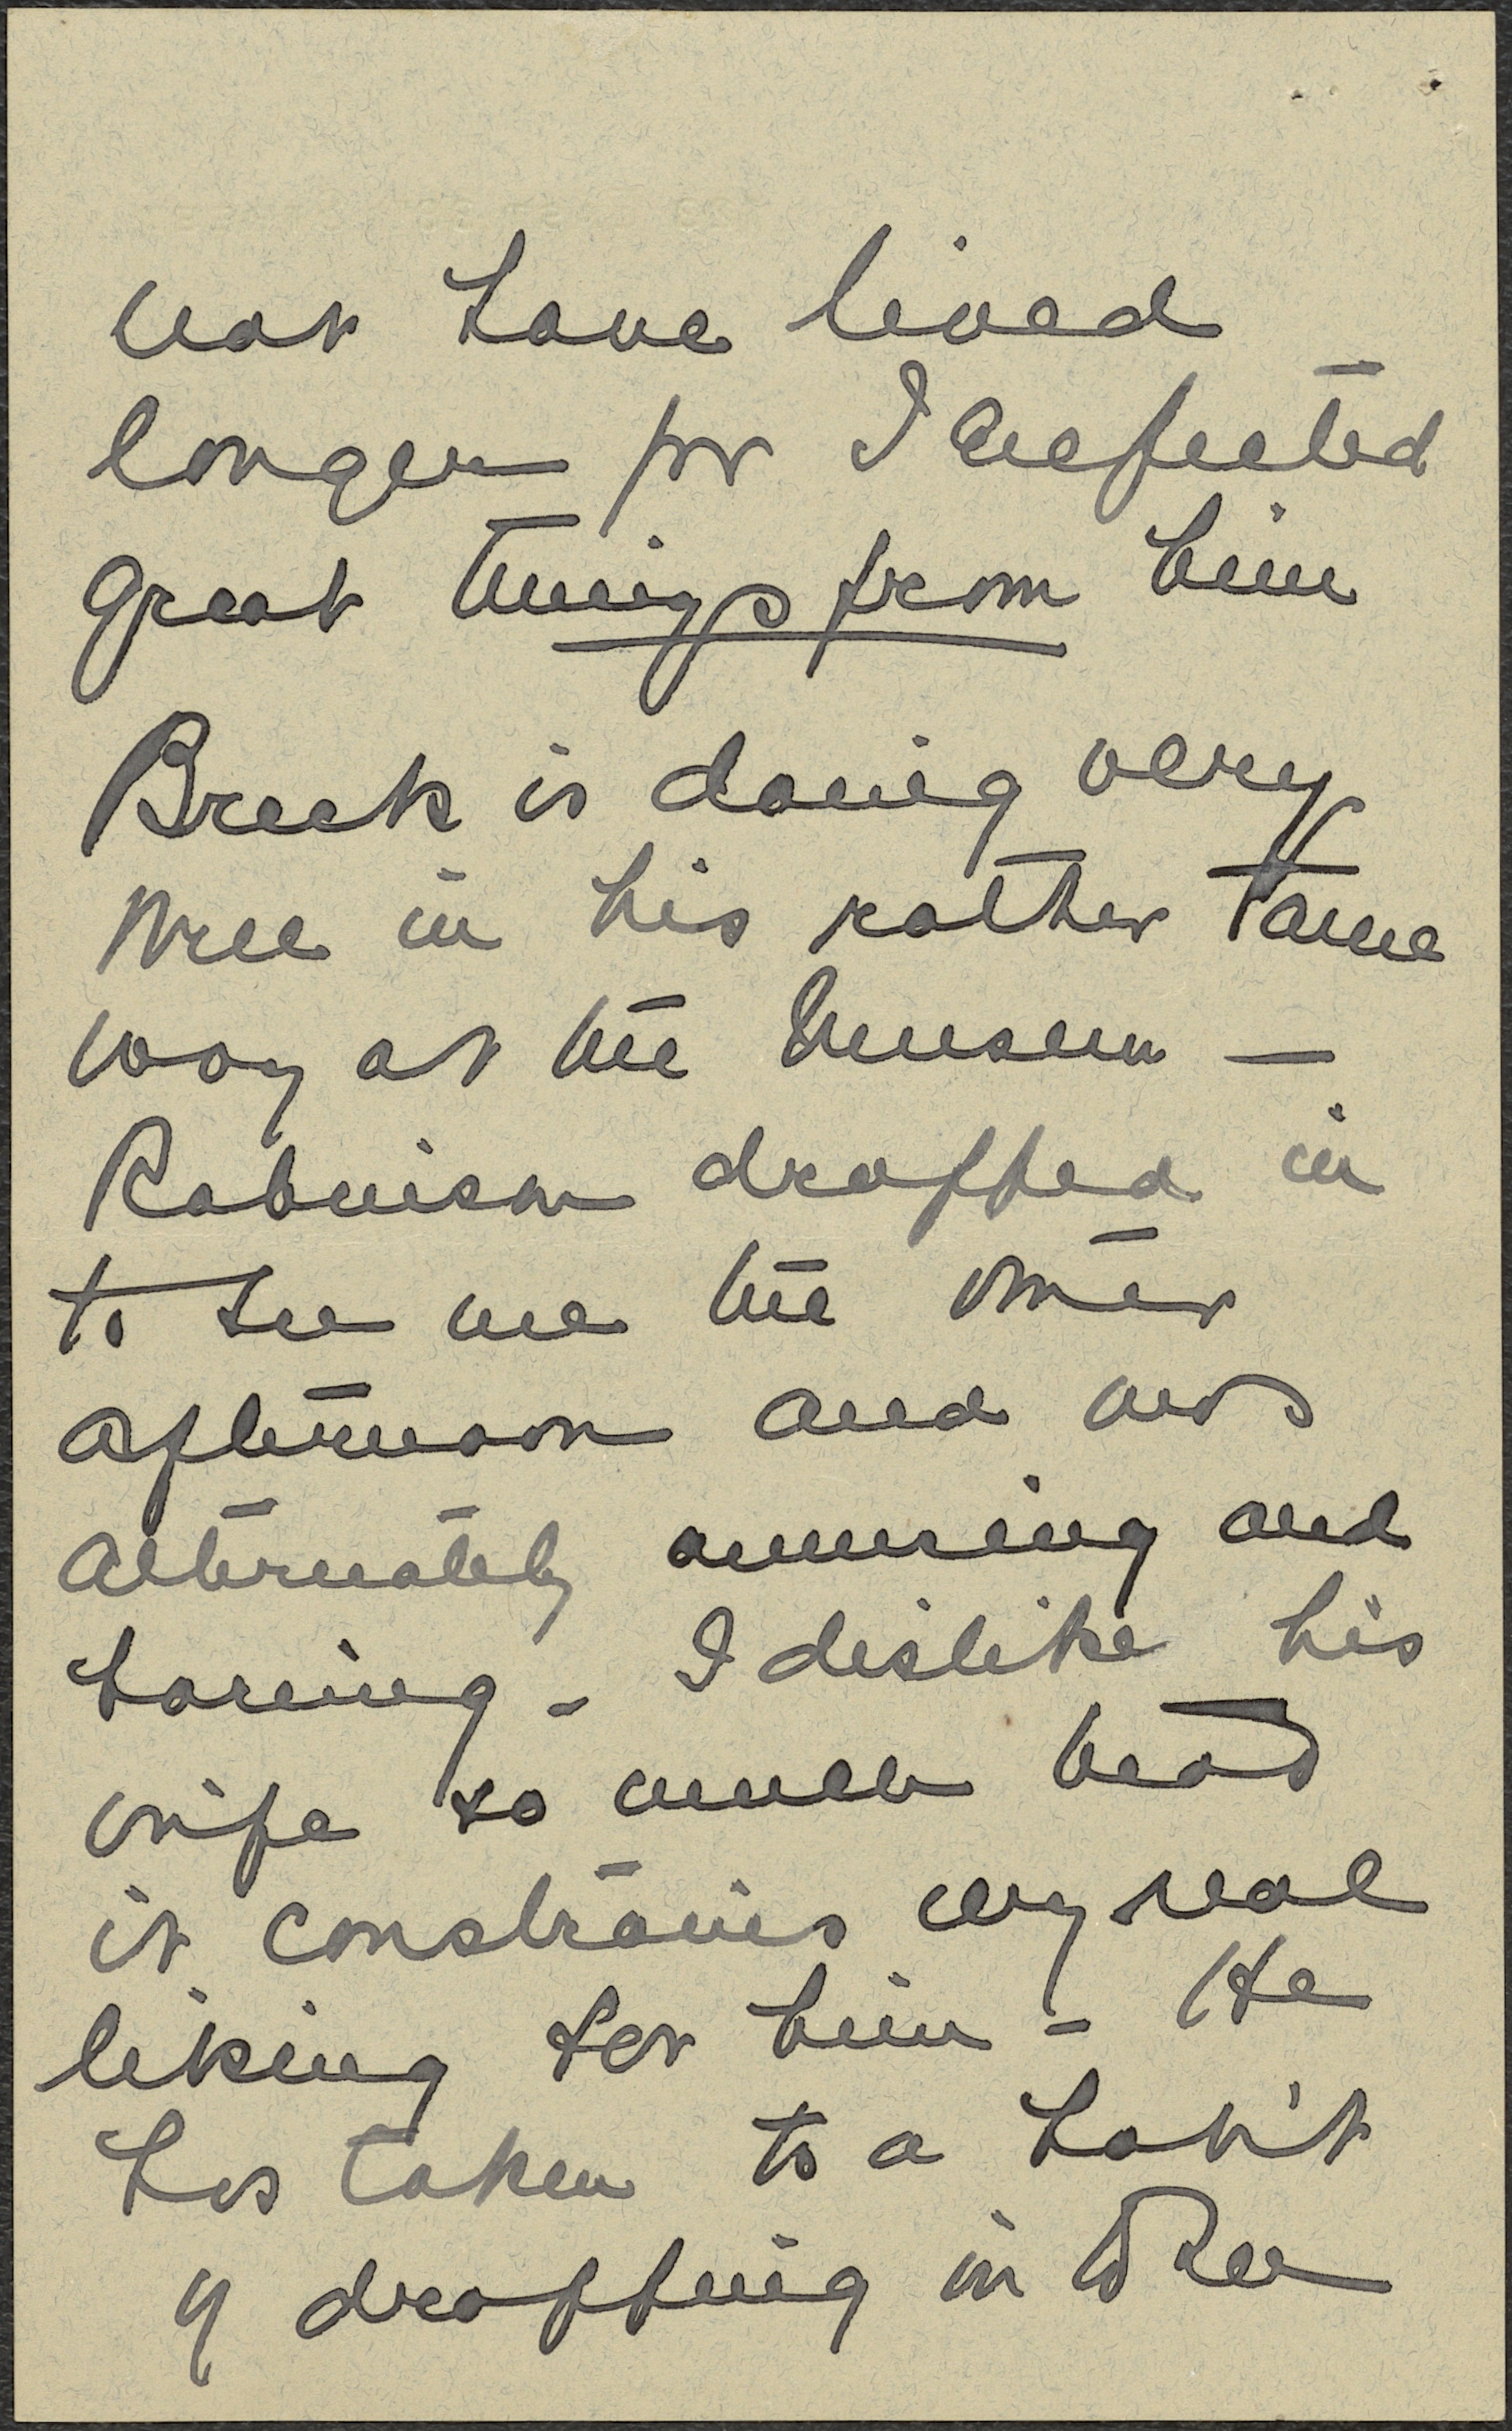not have lived longer for I expected great things from him
Breck is doing very well in his rather tame way at the Museum –
Robinson dropped in to see me the other afternoon and was alternately amusing and boring – I dislike his wife so much that it constrains my real liking for him – He has taken to a habit of dropping in to see